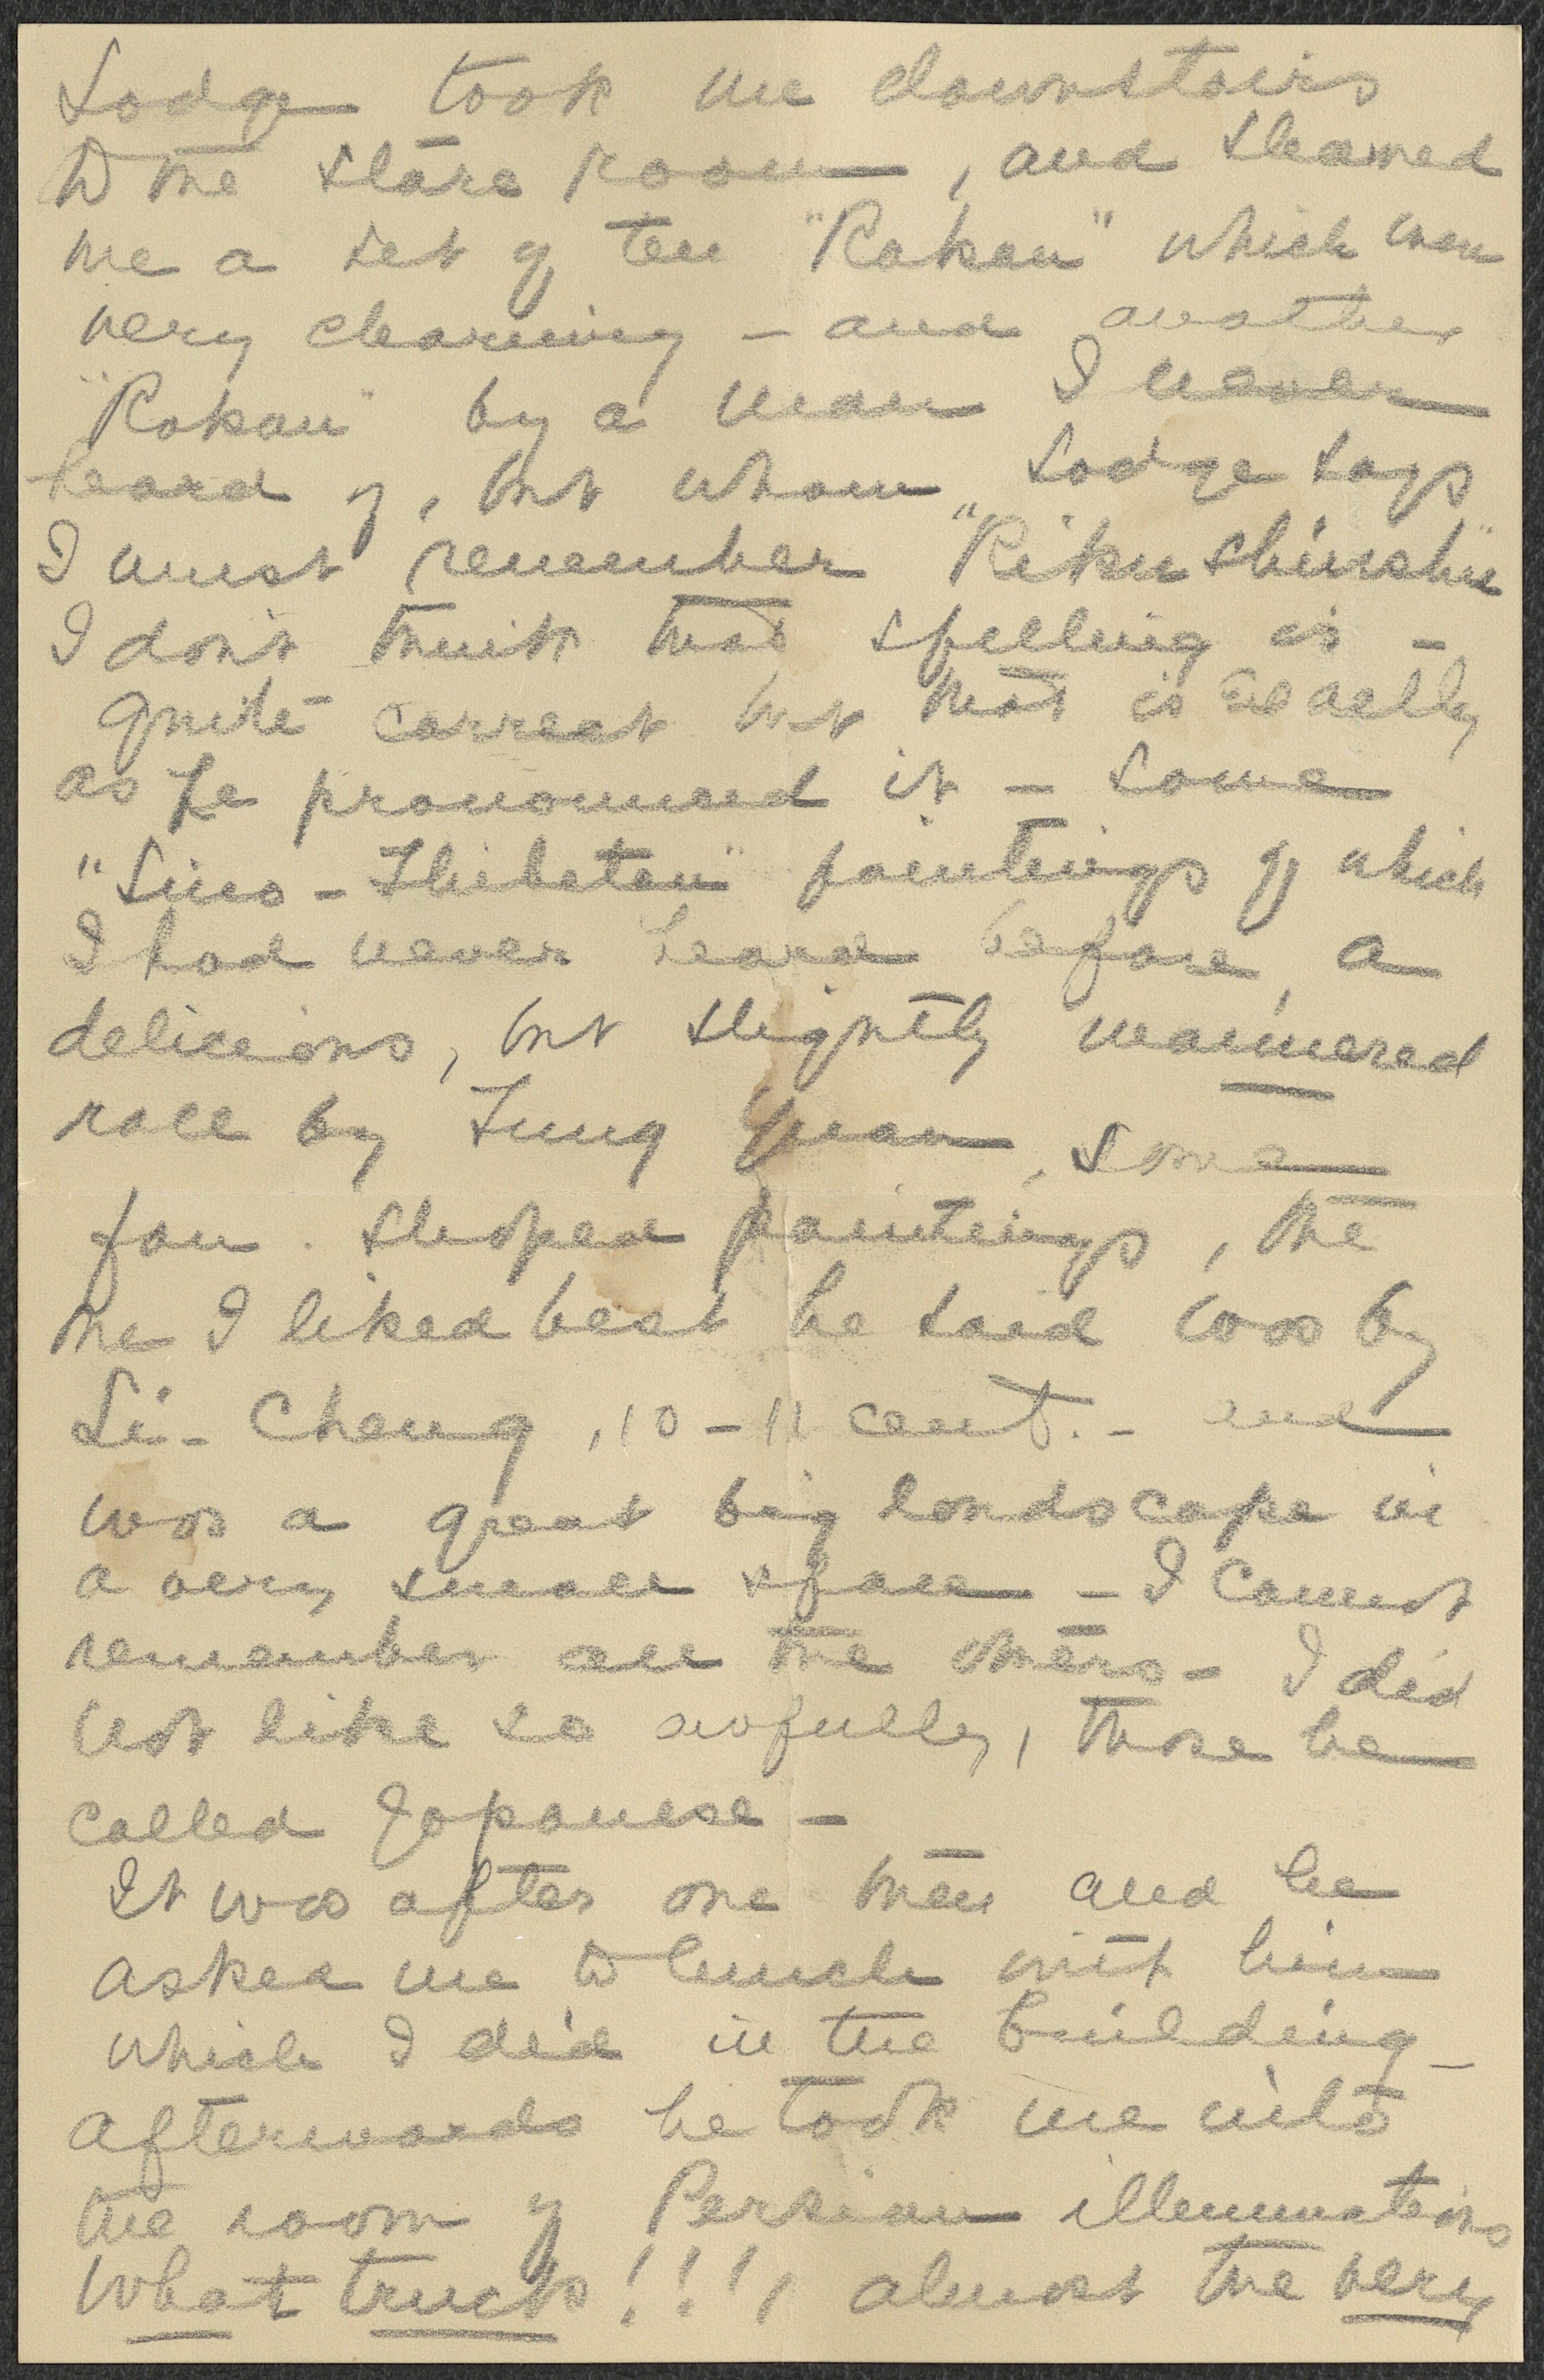Lodge took me downstairs to the store room , and showed me a set of the “Rokan” which were very charming – and another “Rokan” by a man I never heard of, but when Lodge says I must remember “Rikushinshu” I don’t think that spelling is quite correct but that is exactly as he pronounced it – some “Sino-Thibetan” paintings of which I had never heard of before, a delicious, but slightly mannered roll by Sung Yuan, some fan shaped paintings, the one I liked best he said was by Li-Cheng, 10-11 cent. – and was a great big landscape in a very small space – I cannot remember all the others – I did not like so awfully, those he called Japanese –
It was after one then and he asked me to lunch with him which I did in the building – afterwards he took me into the room of Persian illuminations what truck !!!, almost the very